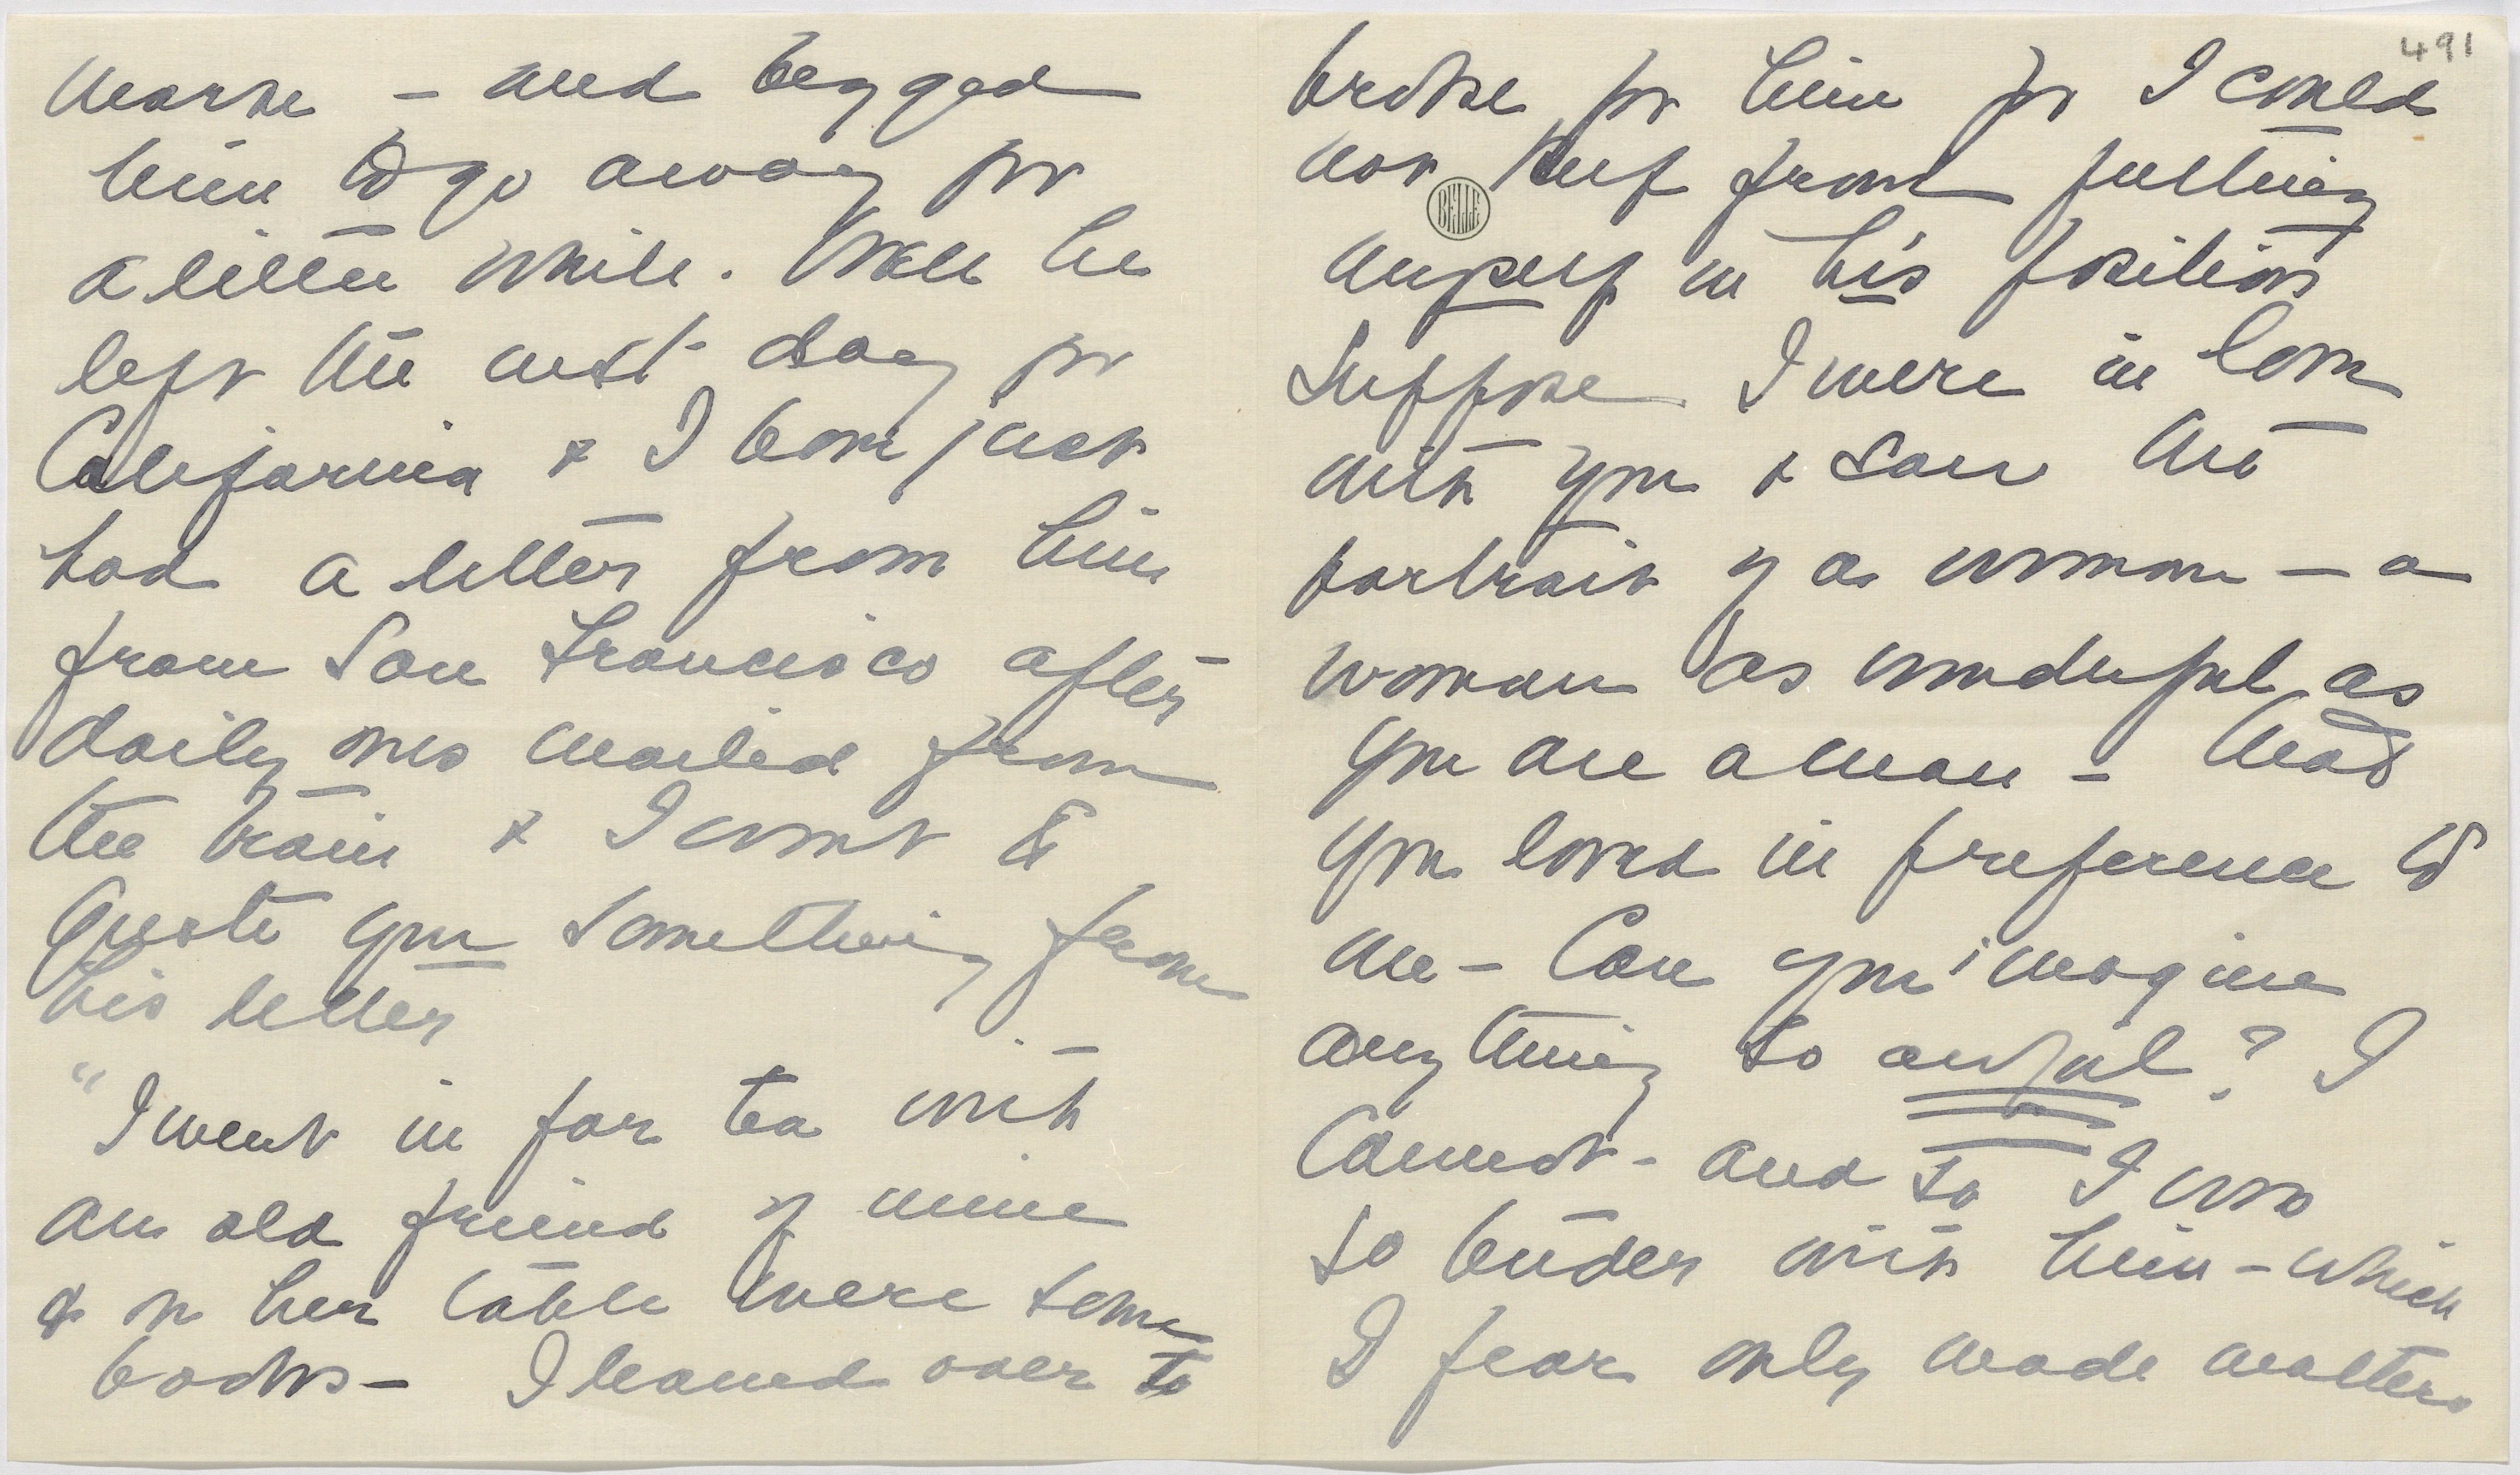broke for him for I could not keep from putting myself in his position suppose I were in love with you & saw the portrait of a woman – a woman as wonderful as you are a man – that you loved in preference to me – Can you imagine any thing so [triple underlined: awful]? I cannot – and so I was so tender with him – which I fear only made matters
worse – and begged him to go away for a little while. Well he left the next day for California & I have just had a letter from him from San Francisco after daily ones mailed from the train & I want to quote you something from his letter
“I went in for tea with an old friend of mine & on her table were some books – I leaned over to